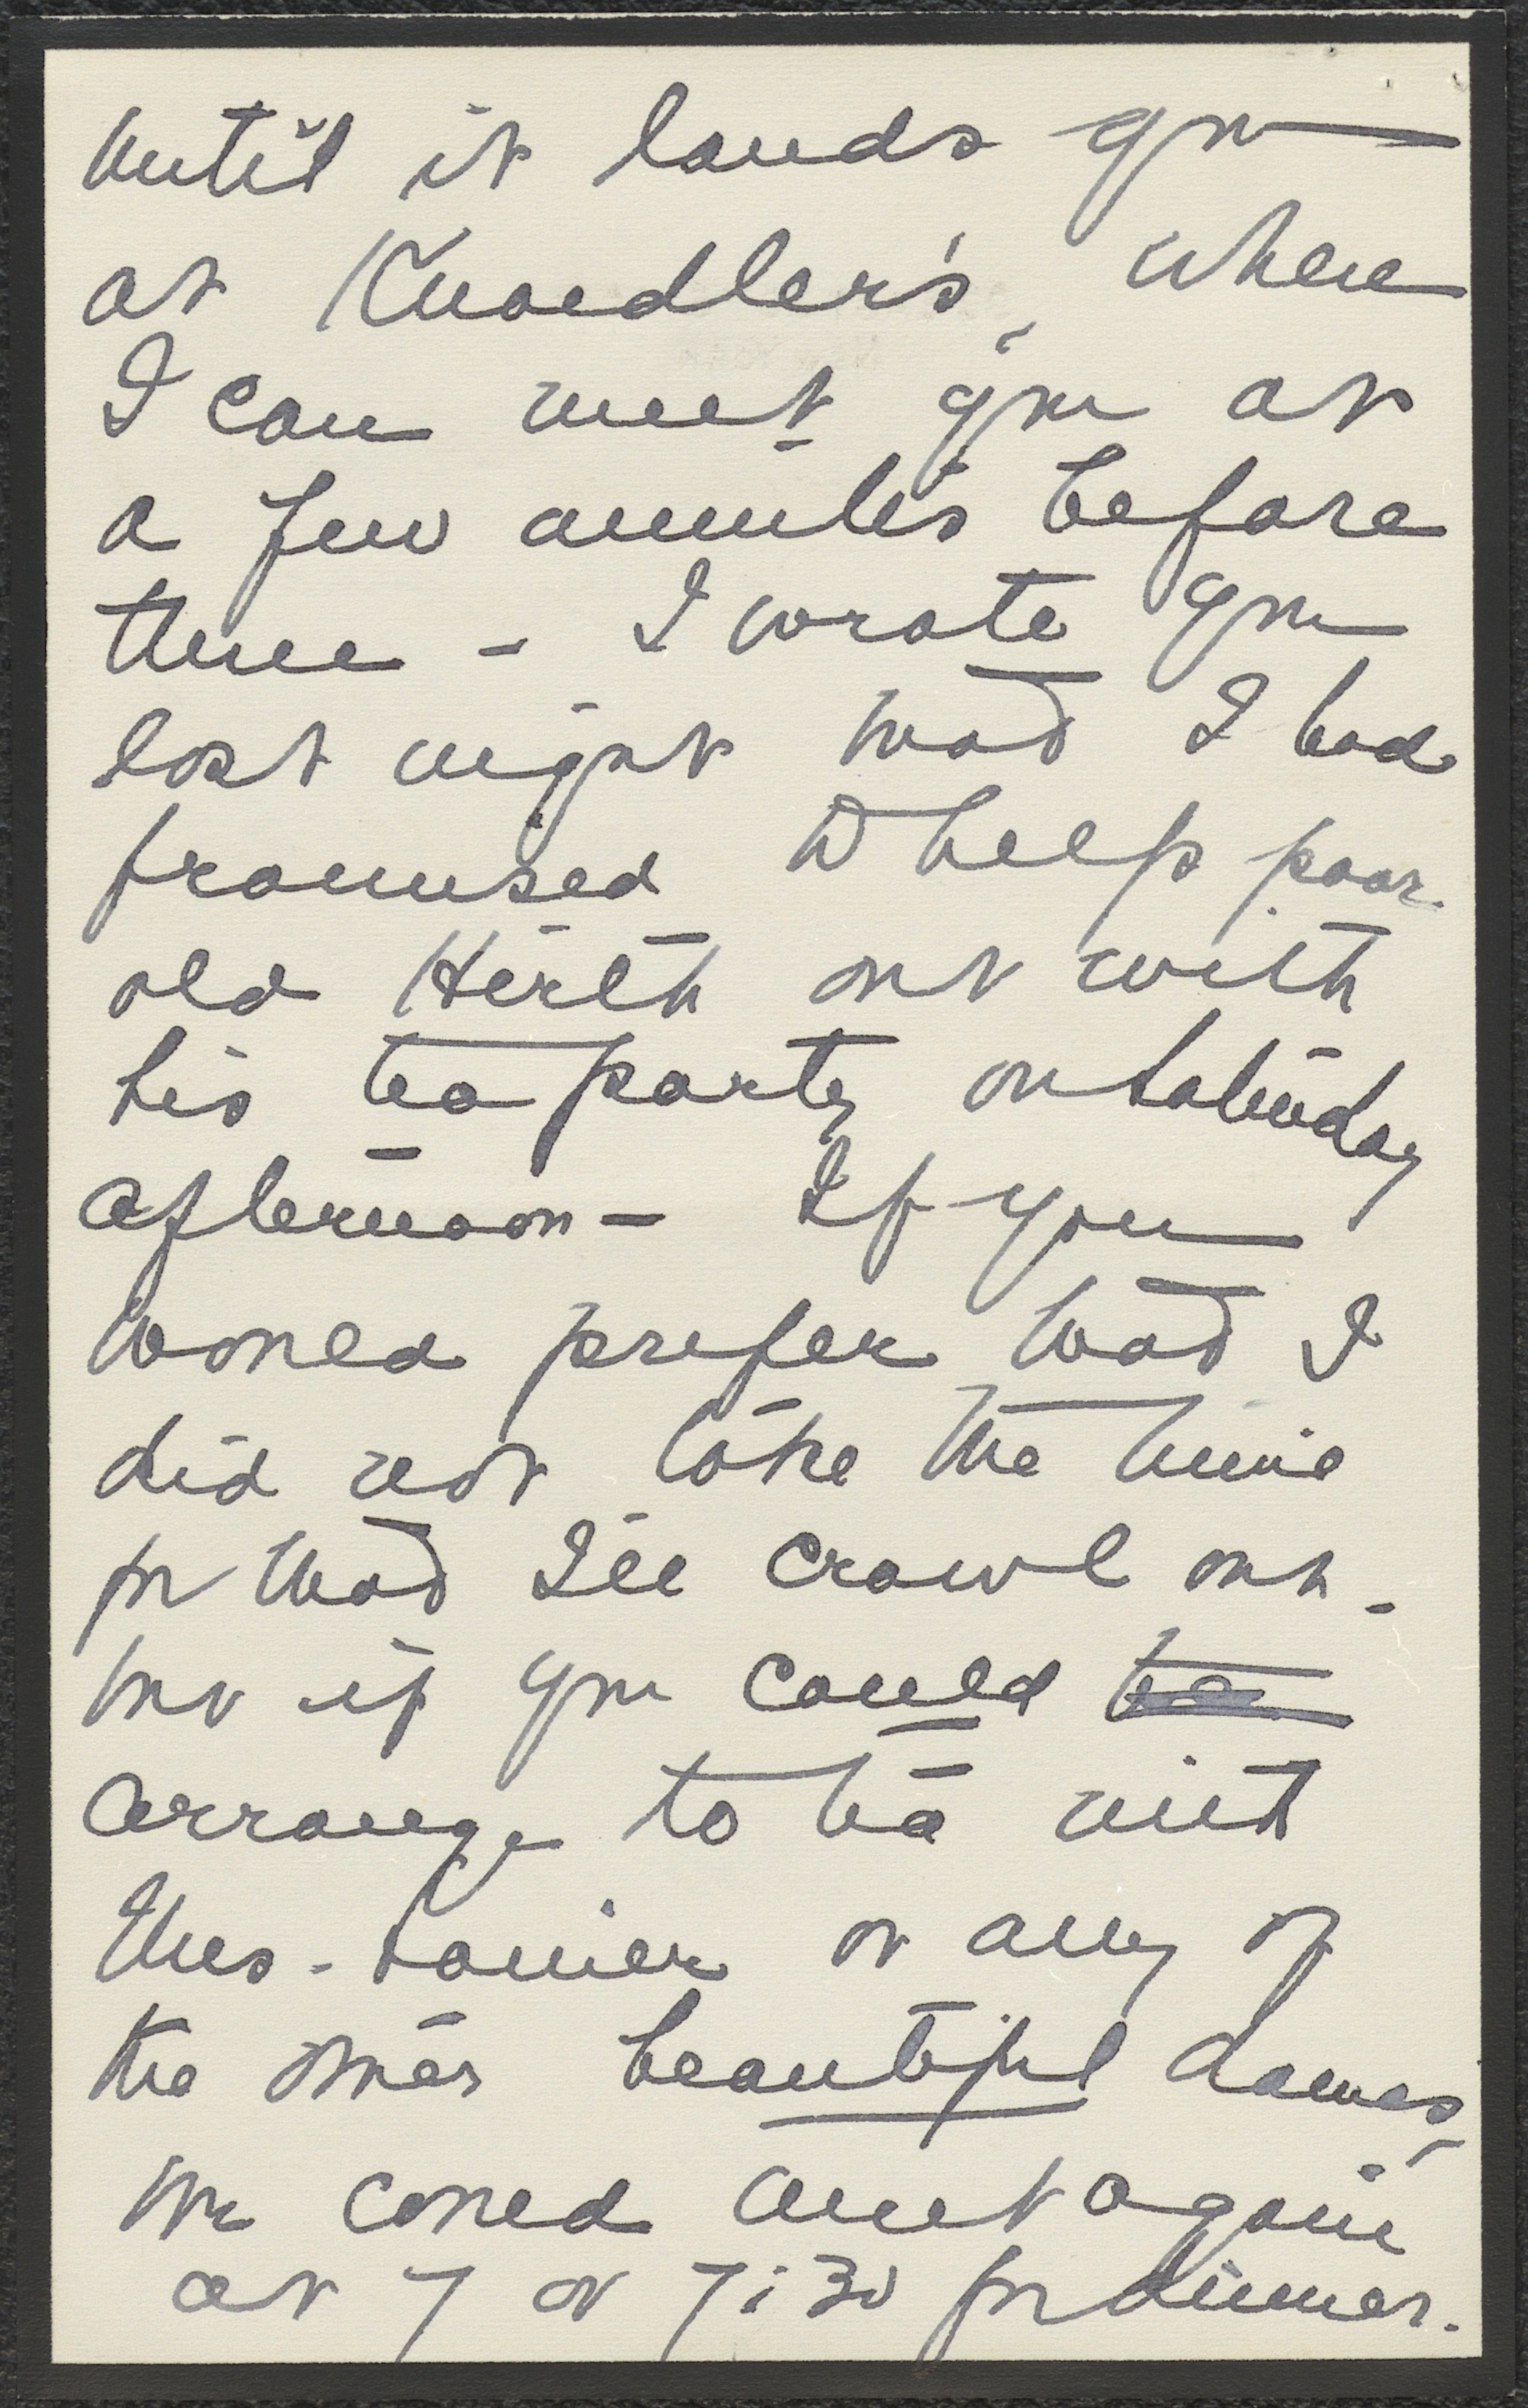until it lands you at Knoedler’s, where I can meet you at a few minutes before three – I wrote you last night that I had promised to help poor old Hirth out with his tea party on Saturday afternoon – If you would prefer that I did not take the time for that I’ll crawl out – but if you could be arrange to tea with Mrs. Lamier or any of the other beautiful dames, we could meet again at 7 or 7:30 for dinner.